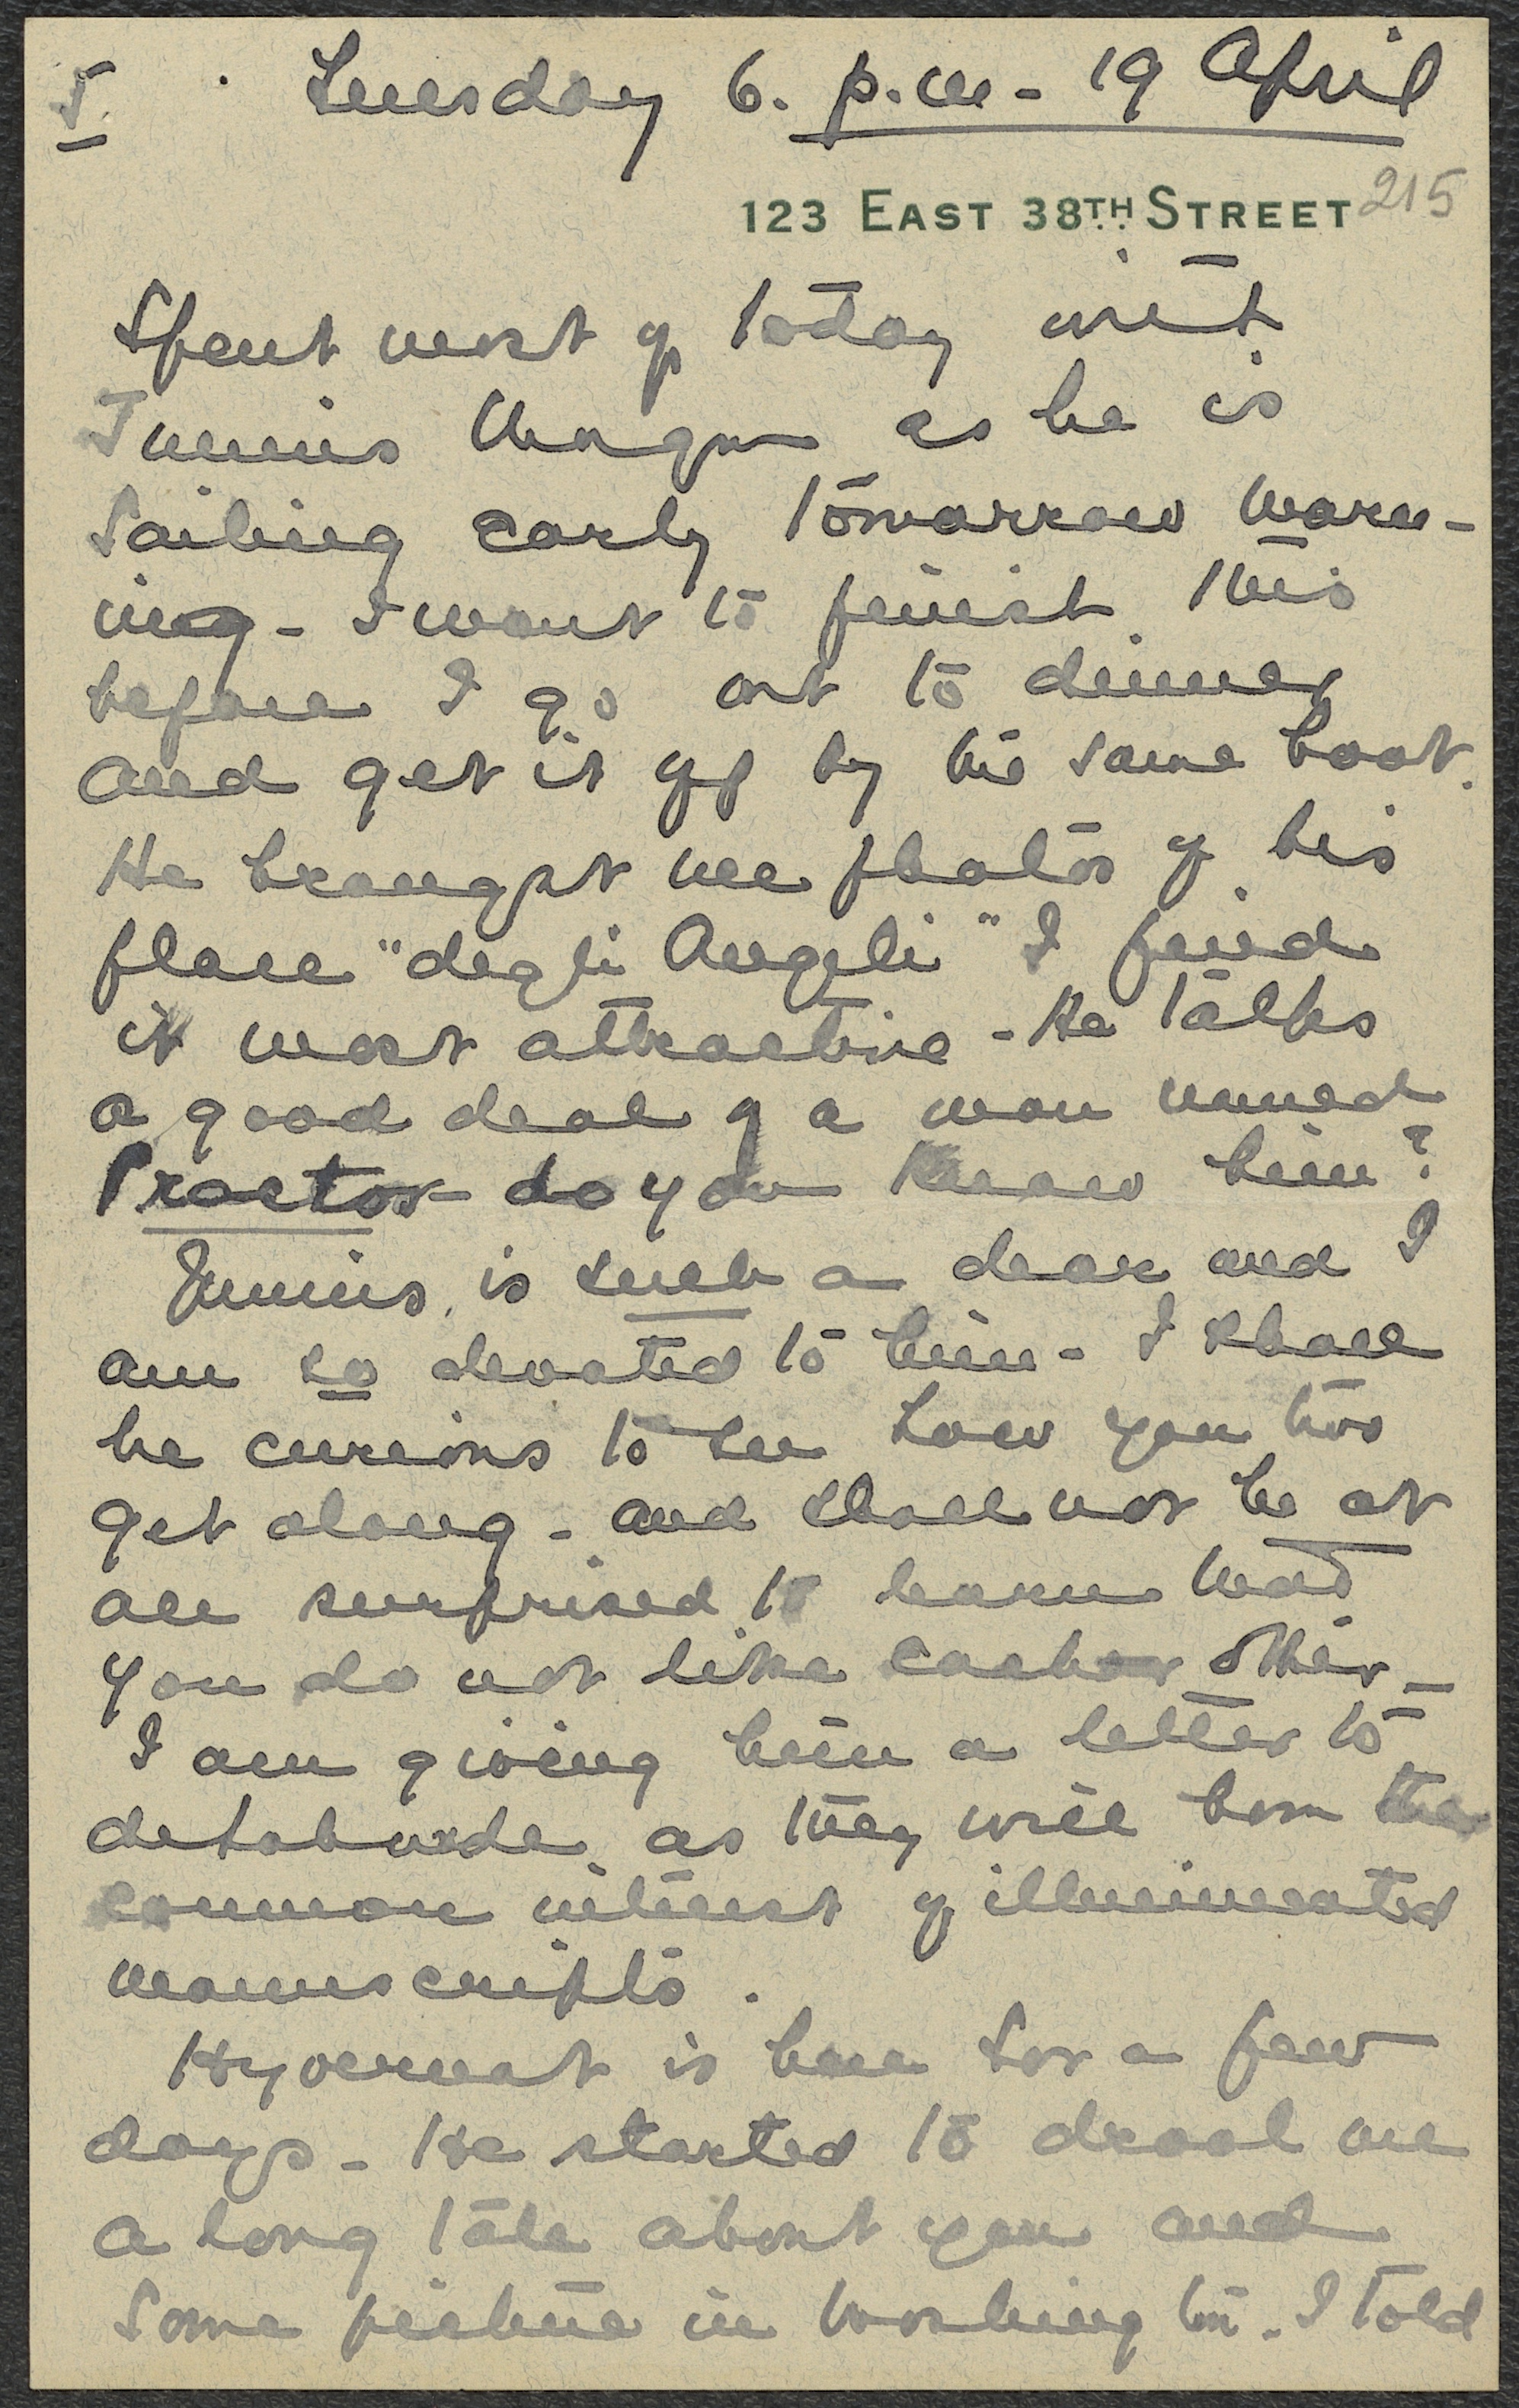5
Tuesday 6 p.m – 19 April
Spent most of today with Junius Morgan as he is sailing early tomorrow morning – I want to finish this before I go out to dinner and get it off by the same boat. He brought me photos of his place “degli Angeli” I find it most attractive – He talks a good deal of a man named Proctor – do you know him?
Junius is such a dear and I am so devoted to him – I shall be curious to see how you two get along – and shall not be at all surprised to learn that you do not like each or other – I am giving him a letter to deLaborde as they will have the common interest of illuminated manuscripts.
Hyvernat is here for a few days. He started to drool me a long tale about you and some picture in Washington. I told